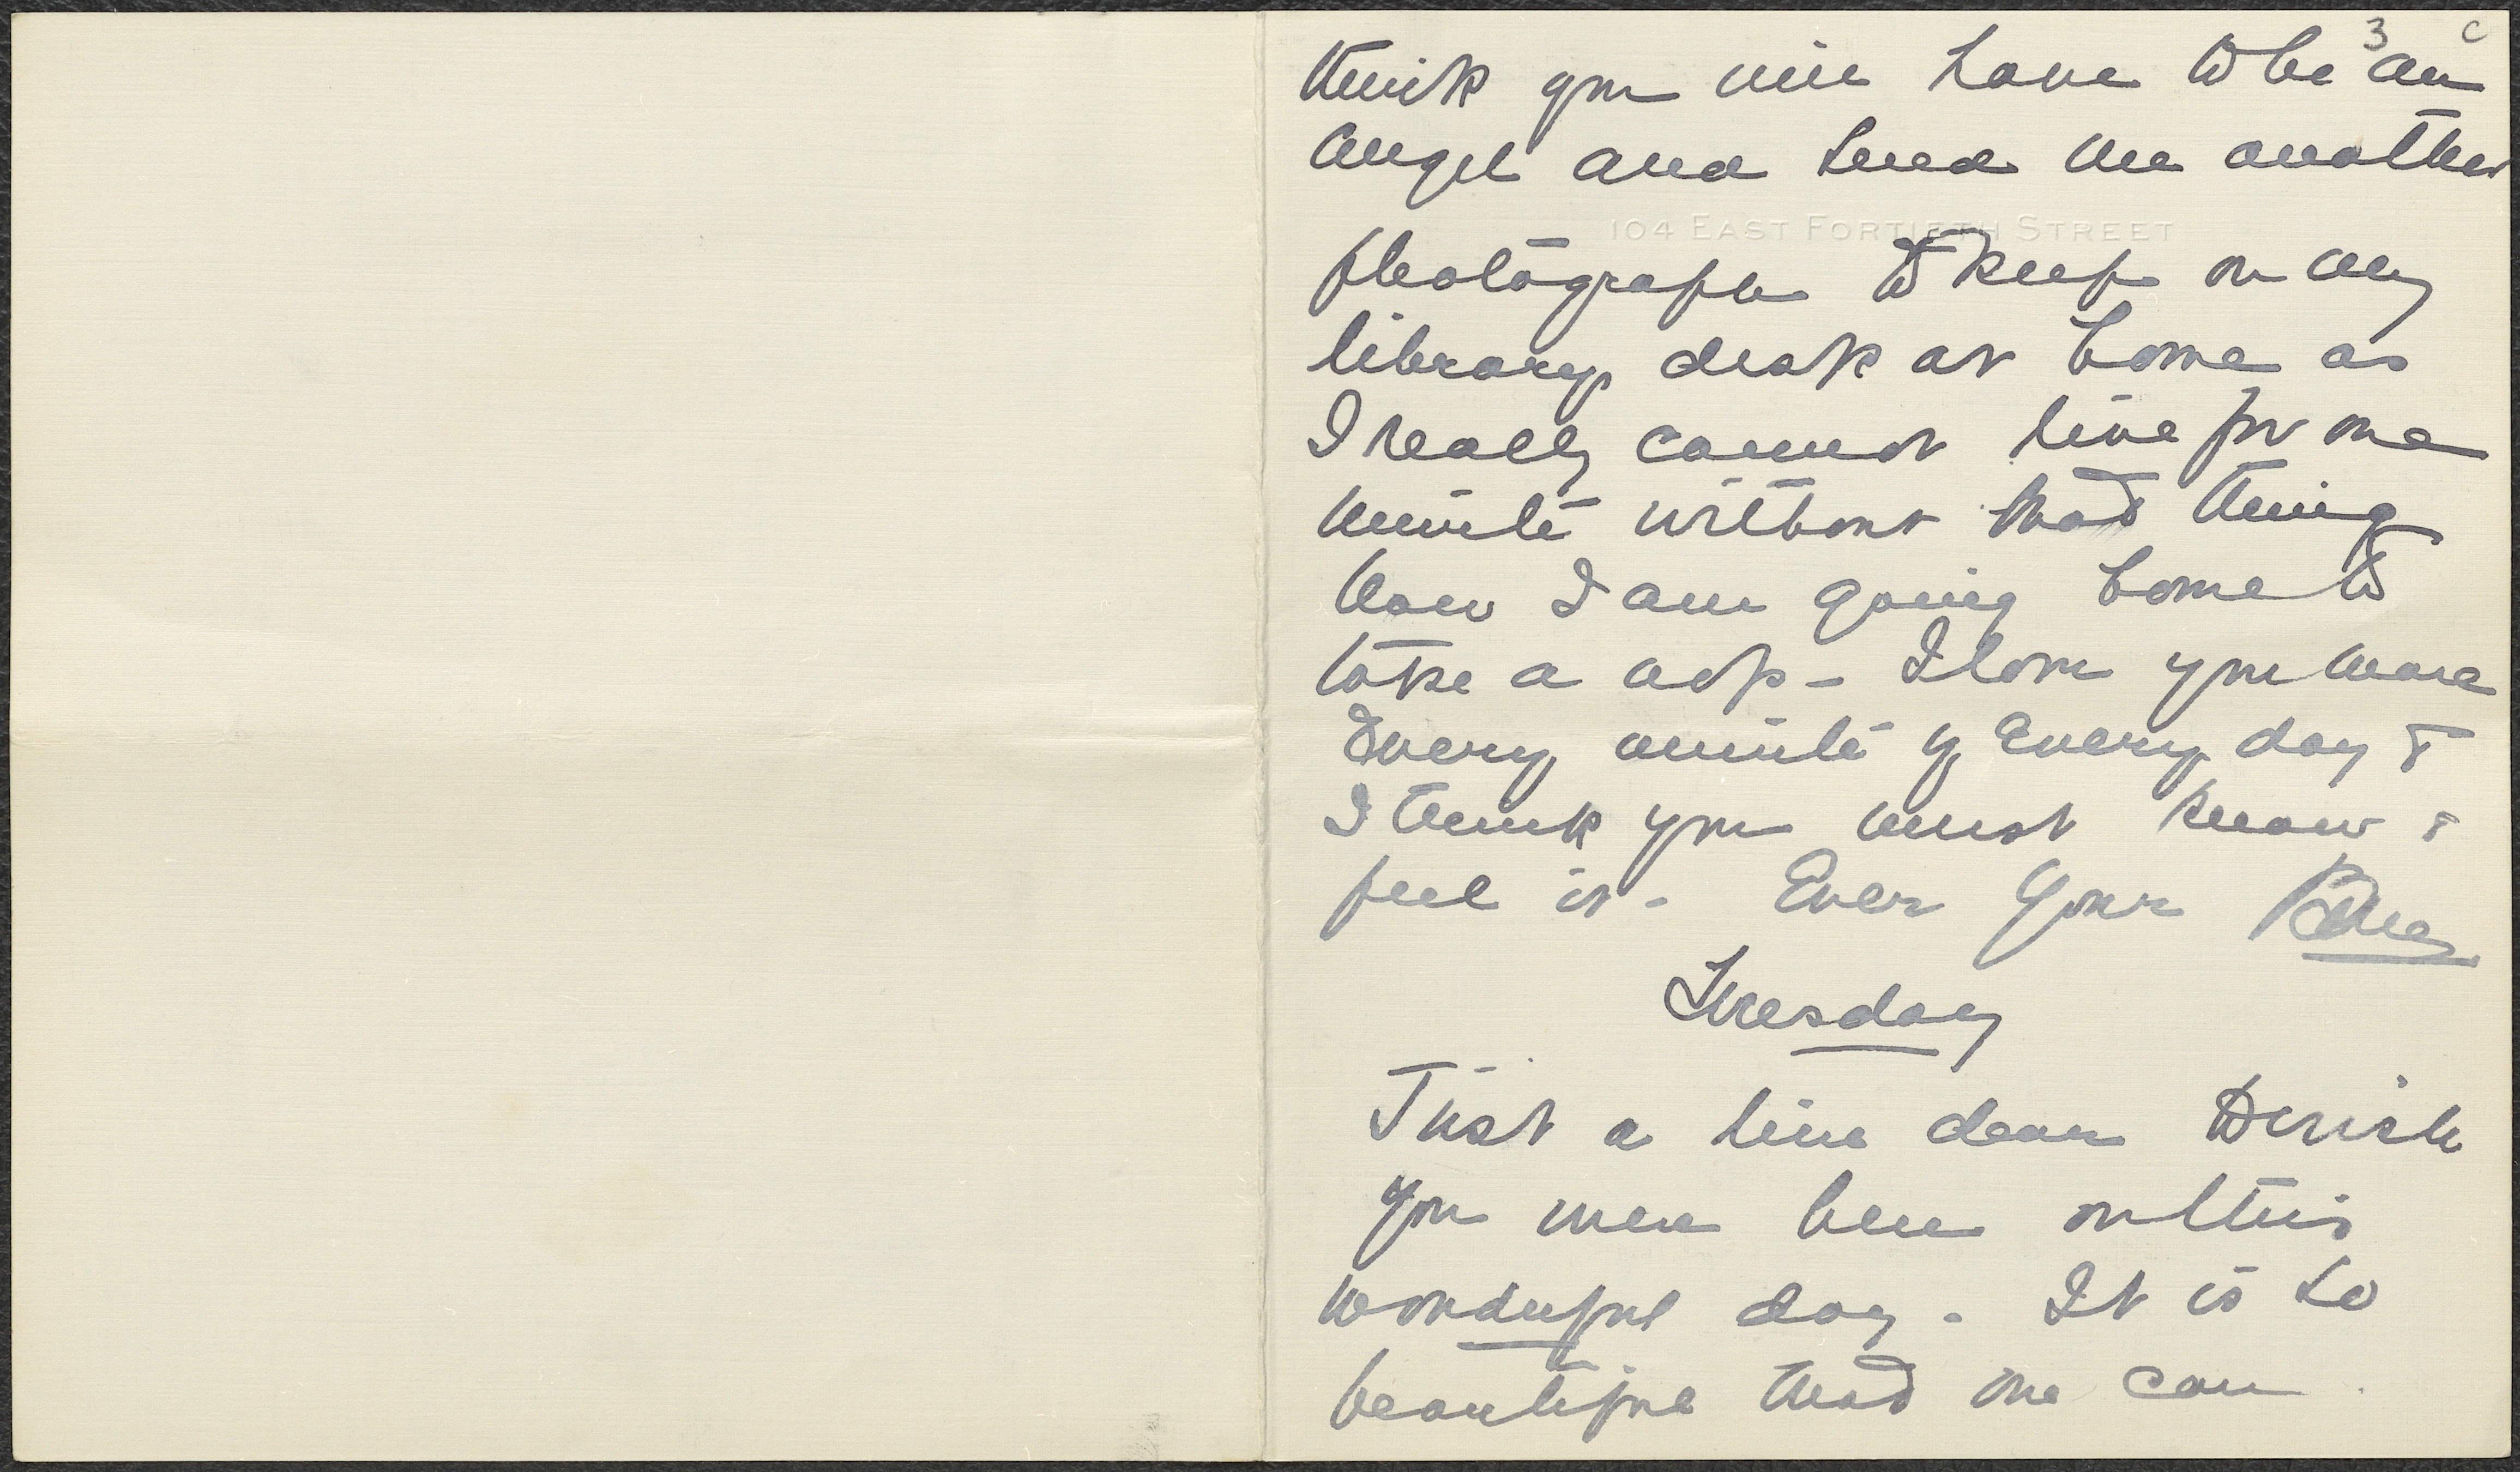think you will have to be an angel and send me another photograph to keep on my library desk at home as I really cannot live for one minute without that thing
Now I am going home to take a nap – I love you more every minute of every day & I think you must know & feel it – Ever Your Belle
Tuesday
Just a line dear to wish you were here on this wonderful day – It is so beautiful that one can